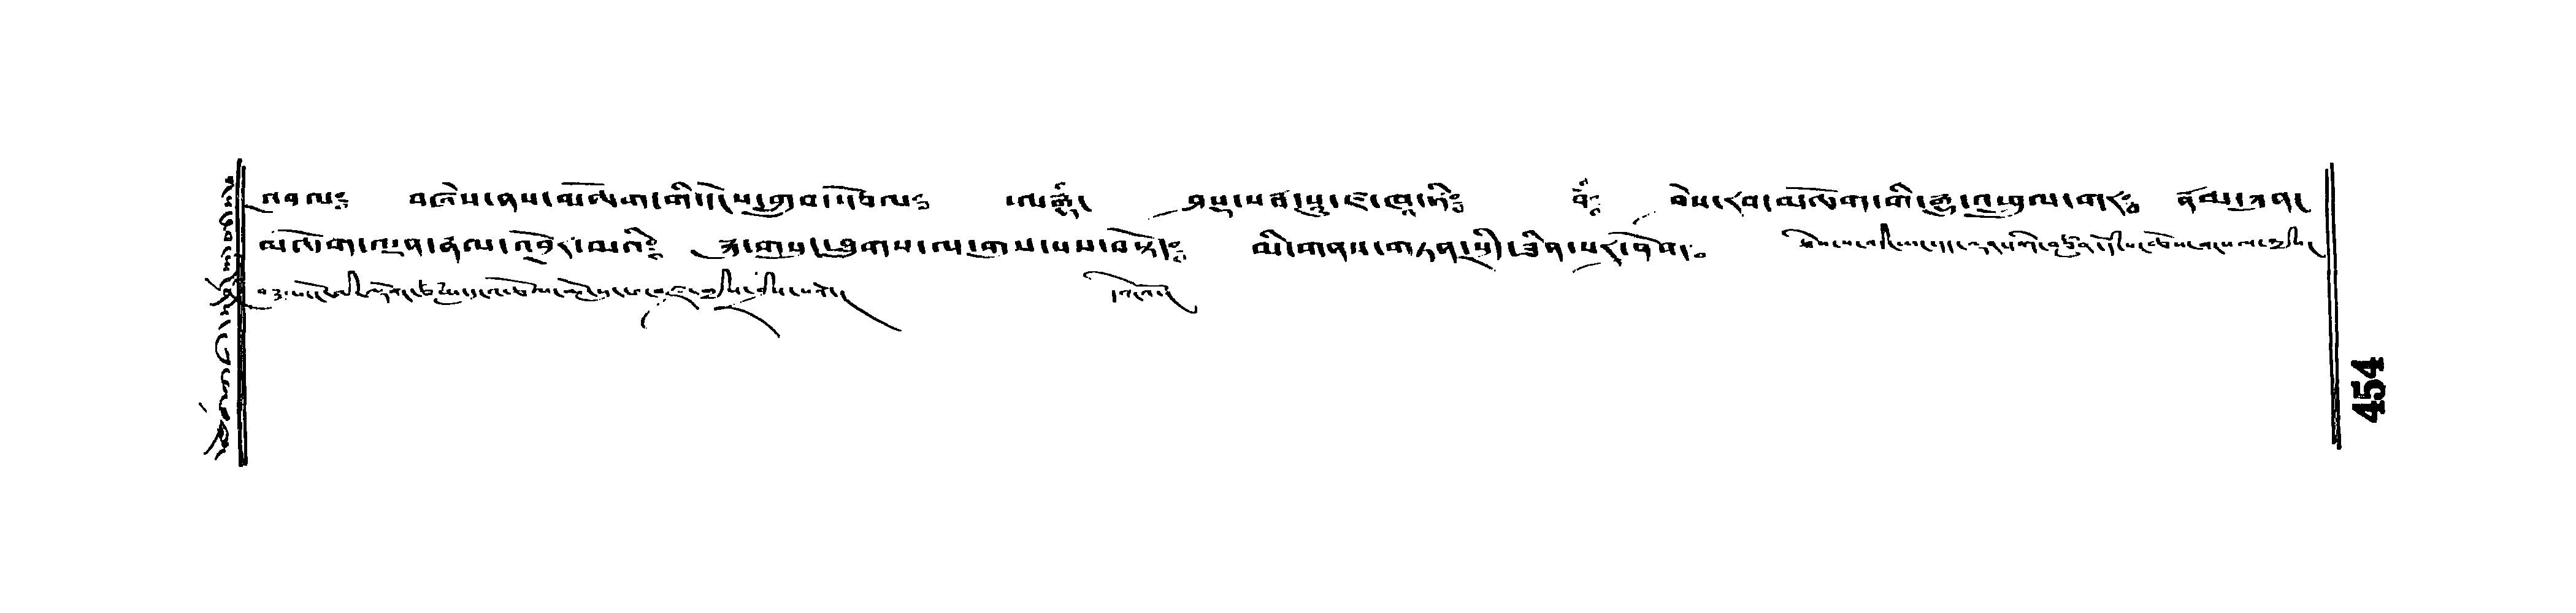འབུལ༔ བཞེས་ནས་མཆོག་གི་དངོས་གྲུབ་སྩོལ༔ ཨརྒྷཾ་ནས༔ ཤཔྡ་སརྦ་པཱུ་ཛ་ཁཱ་ཧིཿ བྃ༔ ཤེས་རབ་མཆོག་གི་སྒྱུ་འཕྲུལ་གར༔ རྣམ་ཀུན་
མཆོག་ལྡན་རྣལ་འབྱོར་མའི༔ སྐུ་གསུང་ཐུགས་ལ་གུས་པས་བསྟོད༔ མི་གནས་གཏན་སྲིད་ཟིན་པར་ཤོག༔ ཅེས་པ་འདི་ཡང་དད་ལྡན་དགེ་བཙུན་དམ་པ་ཆོས་གསལ་གྱིས་
བསྐུལ་ངོ་མ་ལྡོག་ཙམ་དུ་འཆོལ་མོ་སུ་ཁ་བཛྲ་གྱིས་བྲིས་པའོ།། དགེའོ།།